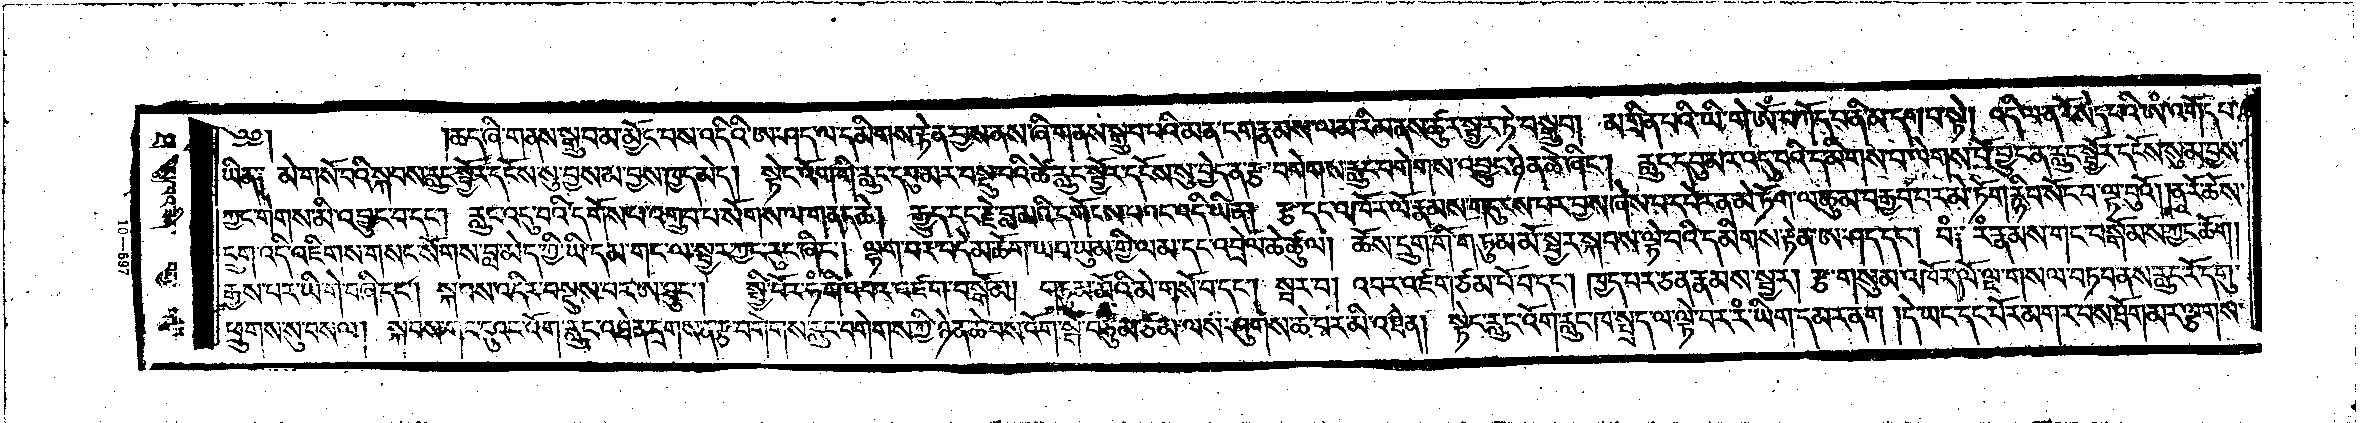༄༅། །ཆད་ཞི་གནས་སྒྲུབ་མ་མྱོང་བས་འདིའི་ཨ་ཤད་ལ་དམིགས་རྟེན་བྱས་ནས་ཞི་གནས་སྒྲུབ་པའི་མན་ངག་རྣམས་ལམ་རིམ་ནས་ཚུར་སྦྱར་ཏེ་བསྒྲུབ། མགྲིན་པའི་ཡི་གེ་ཨོཾ་བཀོད་པ་ནི་མ་དག་པ་སྟེ། འདི་ལ་ན་རོ་མེད་པའི་ཨཾ་འགོད་པ་
ཡིན༑ མེ་གསོ་བའི་སྐབས་རླུང་སྦྱོར་དངོས་སུ་བྱས་མ་བྱས་ཁྱད་མེད། སྟེང་འོག་གི་རླུང་དབུ་མར་བསྡུ་བའི་ཚེ་རླུང་སྦྱོར་དངོས་སུ་བྱེད་ན་རྩ་བགེགས་རླུང་བགེགས་འབྱུང་ཉེན་ཆེ་ཞིང་། རླུང་དབུ་མར་འདུ་བའི་དམིགས་པ་ལེགས་པོ་བྱུང་ན་རླུང་སྦྱོར་དངོས་སུ་མ་བྱས་
ཀྱང་གེགས་མི་འབྱུང་བ་དང་། རླུང་འདུ་བའི་དགོས་པ་འགྲུབ་པ་སོགས་ལ་གནད་ཆེ། རྒྱུད་དང་རྗེ་བླ་མའི་དགོངས་པའང་འདི་ཡིན། རྩ་དང་འཁོར་ལོ་རྣམས་གདུངས་བར་བྱས་ཞེས་པ་དཔེར་ན་མེ་ཏོག་ལ་ཆུ་མ་བརྒྱབ་པར་མེ་ཏོག་རྙིབ་སོང་བ་ལྟ་བུའོ། །ནཱ་རོ་ཆོས་
དྲུག་འདི་འཇིགས་གསང་སོགས་བླ་མེད་ཀྱི་ཡི་དམ་གང་ལ་སྦྱར་ཀྱང་རུང་ཞིང་། ལྷག་པར་བདེ་མཆོག་ཡབ་ཡུམ་གྱི་ལམ་དང་འབྲེལ་ཆེ་ཚུལ། ཆོས་དྲུག་གི་གཏུམ་མོ་སྦྱར་སྐབས་ལྟེ་བའི་དམིགས་རྟེན་ཨ་ཤད་དང་། བཾ༑ རཾ་རྣམས་གང་བསྒོམས་ཀྱང་ཆོག།
རྒྱས་པར་ཡི་གེ་བཞི་དང་། སྐབས་འདིར་བསྡུས་པར་ཨ་ཐུང་། སྤྱི་བོར་ཧཾ་གི་འབར་འཛག་བསྒོམ། གཏུམ་མོའི་མེ་གསོ་བ་དང་། སྦར་བ། འབར་འཛག་ཙམ་པོ་བ་དང་། ཁྱད་པར་ཅན་རྣམས་སྦྱར། རྩ་གསུམ་འཁོར་ལོ་ལྔ་གསལ་བཏབ་ནས་རླུང་རོ་དགུ་
ཕྲུགས་སུངས་ལ། སྐབས་གང་དུའང་འོག་རླུང་འཐེན་དྲགས་ན་རྩ་བགེགས་རླུང་བགེགས་ཀྱི་ཉེན་ཆེ་བས་འོག་སྒོ་བཙུམ་ཙམ་ལས་ཤུགས་ཆེ་བར་མི་འཐེན། སྟེང་རླུང་འོག་རླུང་ཁ་སྤྲད་ལ་ལྟེ་བར་རཾ་ཡིག་དམར་ནག །དེ་ཡང་དང་པོར་མགར་བས་ཐོག་མར་ལྕགས་